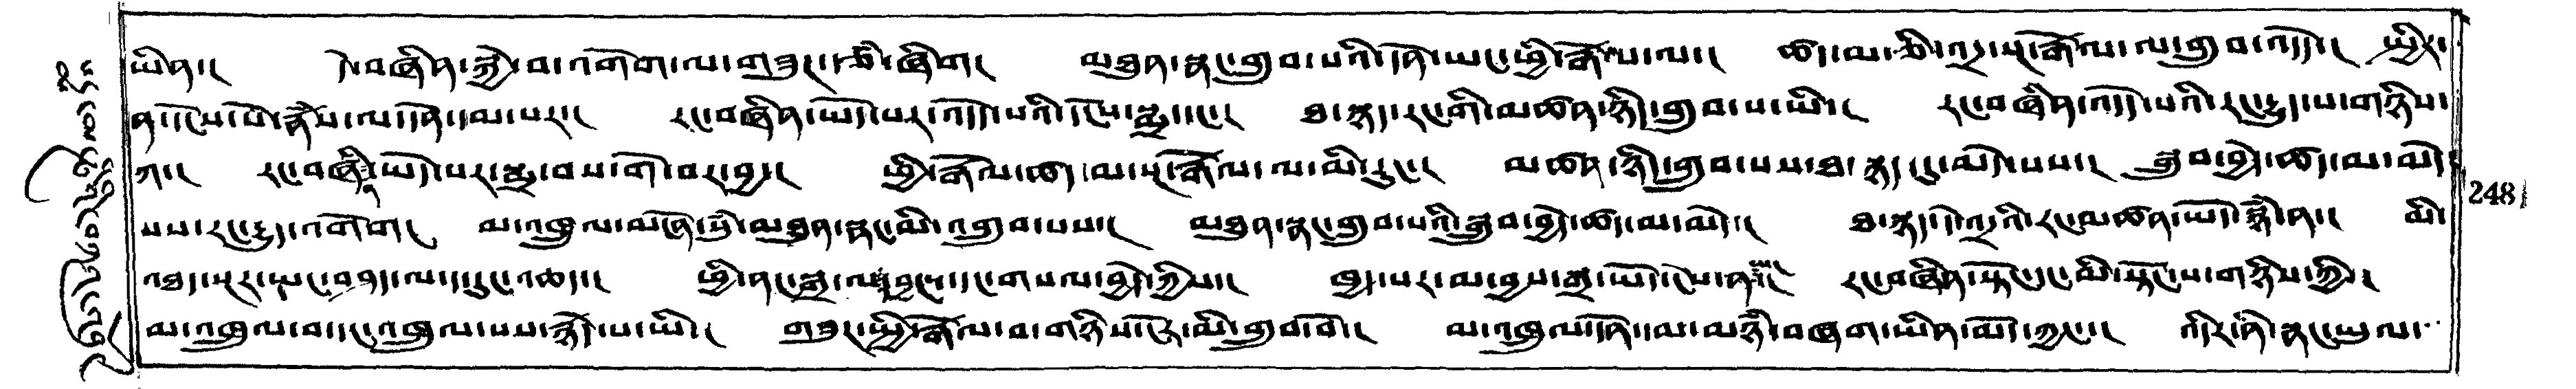ཡིན། །དེ་བཞིན་སྐྱེ་བ་འགོག་ལ་གཟུགས་ཙམ་ཞིག །མཐུན་སྣང་གྲུབ་པའི་དོན་ཡང་ཕྱི་རྒོལ་ལ། །ཚད་མ་ཅི་འདྲ་སྔ་རྒོལ་ལ་གྲུབ་འདོད། །སྤྱིར་
ན་དངོས་པོ་རྣམས་ལ་དོན་དམ་པར། །རང་བཞིན་ཡོད་པར་འདོད་པའི་དངོས་སྨྲ་དང་། །ཐ་སྙད་རང་གི་མཚན་ཉིད་གྲུབ་པ་ཡི། །རང་བཞིན་འདོད་པའི་རང་རྒྱུད་པ་གཉིས་
ཀ །རང་བཞིན་ཡོད་པར་སྨྲ་བས་གོ་བར་བྱ། །ཕྱི་རྒོལ་ཚད་མ་སྔ་རྒོལ་ལ་མི་རུང་། །མཚན་ཉིད་གྲུབ་པས་ཐ་སྙད་དུ་མེད་པས། །སྒྲུབ་བྱེད་ཚད་མ་མེད་
པས་རང་རྒྱུད་འགོག །མ་འཁྲུལ་མངོན་སུམ་མཐུན་སྣང་མི་འགྲུབ་པས། །མཐུན་སྣང་གྲུབ་པའི་སྒྲུབ་བྱེད་ཚད་མ་མེད། །ཐ་སྙད་དེ་འདྲའི་རང་མཚན་ཡོད་སྙམ་ན། །མི་
འཐད་སྔར་ཡང་བཤད་ལ་ད་དུང་འཆད། །ཕྱི་ནང་སྒྲ་ལ་དབྱངས་དང་གསལ་བྱེད་ཀྱིས། ཁྱད་པར་མ་བྱས་སྒྲ་ཡོད་ངེས་ན་ཡང་། །རང་བཞིན་སྟོང་དང་མི་སྟོང་པ་གཉིས་ཀྱི། །
མ་འཁྲུལ་བ་དང་འཁྲུལ་པས་རྙེད་པ་ཡི། །གཟུགས་སྤྱི་རྒོལ་བ་གཉིས་ངོར་མི་འགྲུབ་བོ། །མ་འཁྲུལ་དོན་དམ་མཉམ་བཞག་ཡིན་མོད་ཀྱང་། །འདིར་ནི་སྣང་ཡུལ་